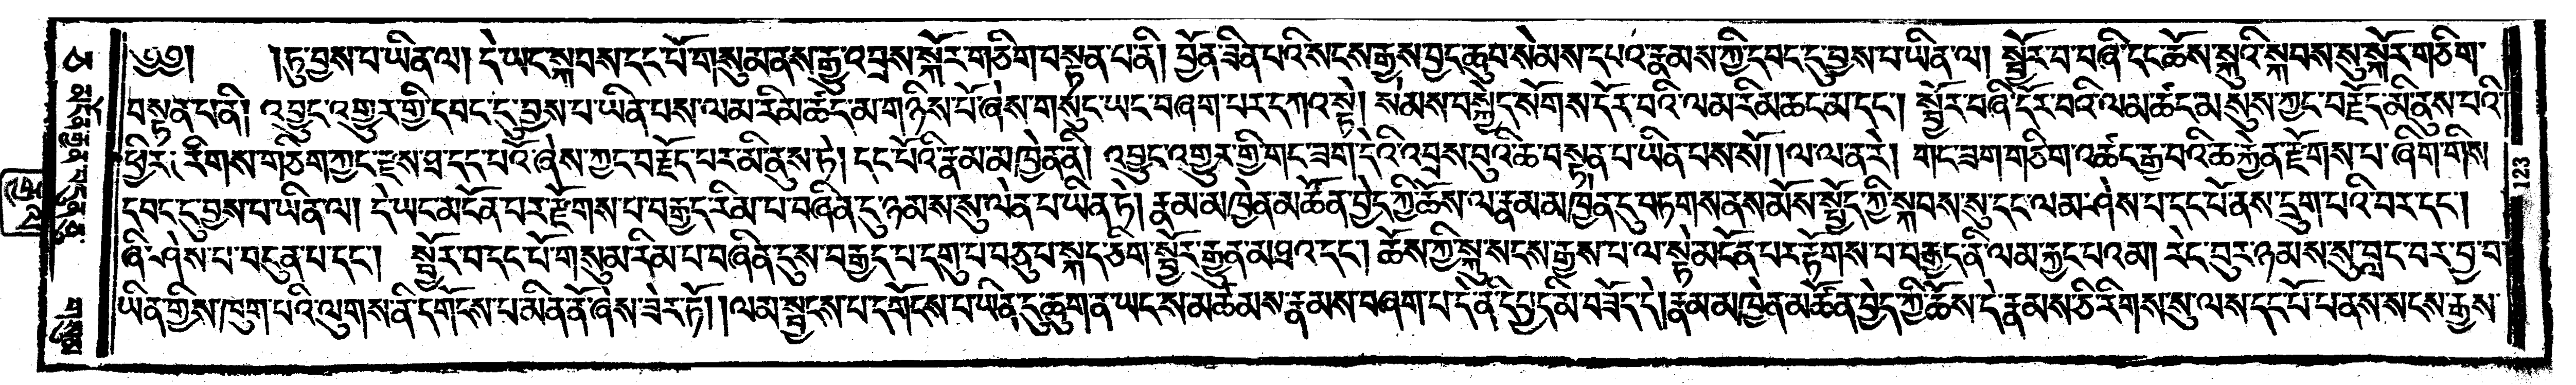༄༅། །ཏུ་བྱས་པ་ཡིན་ལ། དེ་ཡང་སྐབས་དང་པོ་གསུམ་ནས་རྒྱུ་འབྲས་སྐོར་གཅིག་བསྟན་པ་ནི། བྱོན་ཟིན་པའི་སངས་རྒྱས་བྱང་ཆུབ་སེམས་དཔའ་རྣམས་ཀྱི་དབང་དུ་བྱས་པ་ཡིན་ལ། སྦྱོར་བ་བཞི་དང་ཆོས་སྐུའི་སྐབས་སུ་སྐོར་གཅིག་
བསྟན་པ་ནི། འབྱུང་འགྱུར་གྱི་དབང་དུ་བྱས་པ་ཡིན་པས་ལམ་རིམ་ཚད་མ་གཉིས་པོ་ཞེས་གསུང་ཡང་བཞག་པར་དཀའ་སྟེ། སེམས་བསྐྱེད་སོགས་དོར་བའི་ལམ་རིམ་ཆང་མ་དང་། སྦྱོར་བཞི་དོར་བའི་ལམ་ཚད་མ་སུས་ཀྱང་བརྗོད་མི་ནུས་པའི་
ཕྱིར། རིགས་གཅིག་ཀྱང་རྫས་ཐ་དད་པའོ་ཞེས་ཀྱང་བརྗོད་པར་མི་ནུས་ཏེ། དང་པོའི་རྣམ་མཁྱེན་ནི། འབྱུང་འགྱུར་གྱི་གང་ཟག་དེའི་འབྲས་བུའི་ཆ་བསྟན་པ་ཡིན་པས་སོ། །ལ་ལ་ན་རེ། གང་ཟག་གཅིག་འཚང་རྒྱ་བའི་ཆ་རྐྱེན་རྫོགས་པ་ཞིག་གིས་
དབང་དུ་བྱས་པ་ཡིན་ལ། དེ་ཡང་མངོན་པར་རྫོགས་པ་བརྒྱད་རིམ་པ་བཞིན་དུ་ཉམས་སུ་ལེན་པ་ཡིན་ཏེ། རྣམ་མཁྱེན་མཚོན་བྱེད་ཀྱི་ཆོས་ལ་རྣམ་མཁྱེན་དུ་བཏགས་ནས་མོས་སྤྱོད་ཀྱི་སྐབས་སུ་དང་ལམ་ཤེས་པ་དང་པོ་ནས་དྲུག་པའི་བར་དང་།
ཞི་ཤེས་པ་བདུན་པ་དང་། སྦྱོར་བ་དང་པོ་གསུམ་རིམ་པ་བཞིན་དུས་བརྒྱད་པ་དགུ་པ་བཅུ་པ་སྐད་ཅིག་སྦྱོར་རྒྱུན་མཐའ་དང་། ཆོས་ཀྱི་སྐུ་སངས་རྒྱས་པ་ལ་སྟེ་མངོན་པར་རྟོགས་པ་བརྒྱད་ནི་ལམ་རྐྱང་པའམ། རེང་བུར་ཉམས་སུ་བླང་བར་བྱ་བ་
ཡིན་གྱིས་ཁུག་པའི་ལུགས་ནི་དགོངས་པ་མིན་ནོ་ཞེས་ཟེར་ཏོ། །ལམ་སྦྱངས་པ་དགོངས་པ་ཡིན་དུ་ཆུག་ན་ཡང་ས་མཚམས་རྣམས་བཞག་པ་དེ་ནི་དཔྱད་མི་བཟོད་དེ། རྣམ་མཁྱེན་མཚོན་བྱེད་ཀྱི་ཆོས་དེ་རྣམས་ཅི་རིགས་སུ་ལས་དང་པོ་པ་ནས་སངས་རྒྱས་